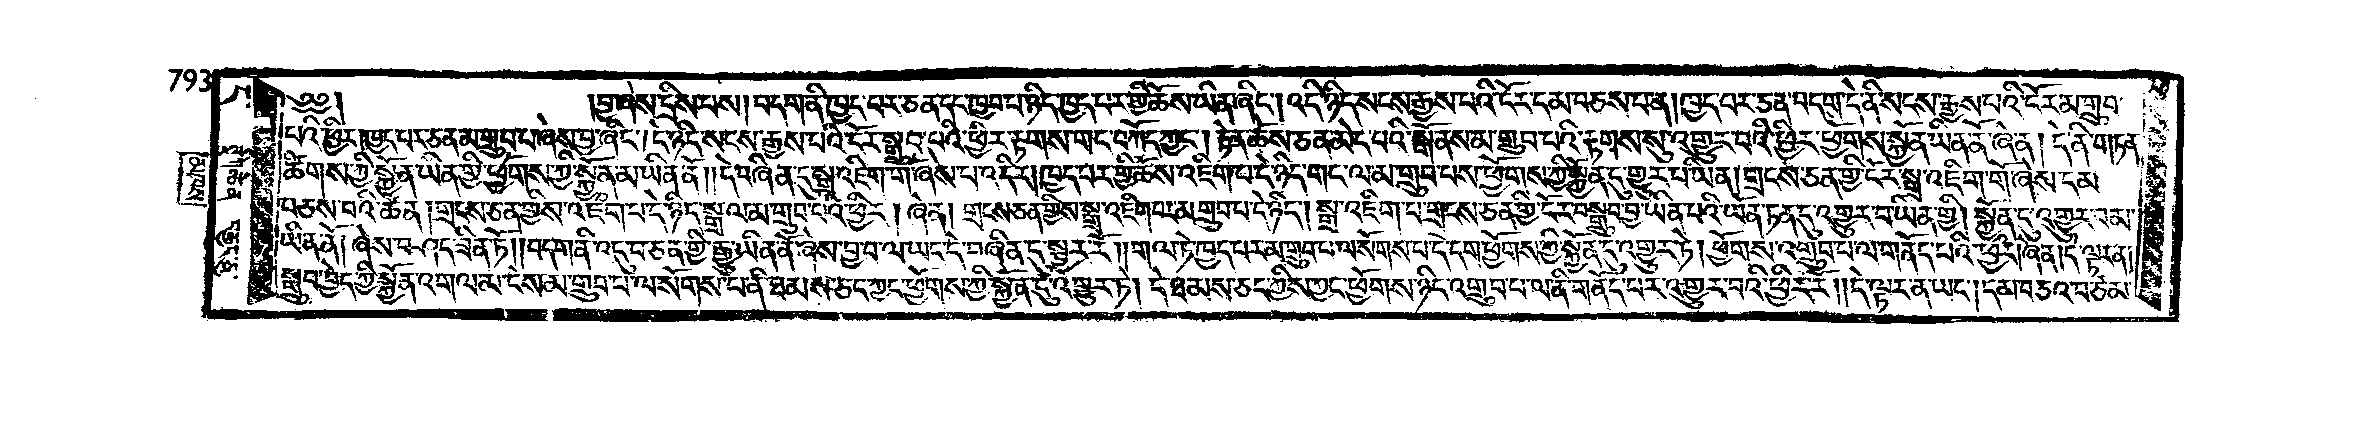༄༅། །བྱ་ཞེས་དྲིས་པས། བདག་ནི་ཁྱད་པར་ཅན་དང་ཁྱབ་པ་ཉིད་ཁྱད་པར་གྱི་ཆོས་ཡིན་ཞིང་། འདི་ཉིད་སངས་རྒྱས་པའི་ངོར་དམ་བཅས་པ་ན། ཁྱད་པར་ཅན་བདག་དེ་ནི་སངས་རྒྱས་པའི་ངོར་མ་གྲུབ་
པའི་ཕྱིར། ཁྱད་པར་ཅན་མ་གྲུབ་པ་ཞེས་བྱ་ཞིང་། དེ་ཉིད་སངས་རྒྱས་པའི་ངོར་སྒྲུབ་པའི་ཕྱིར་རྟགས་གང་བཀོད་ཀྱང་། རྟེན་ཆོས་ཅན་མེད་པའི་སྒོ་ནས་མ་གྲུབ་པའི་རྟགས་སུ་འགྱུར་བའི་ཕྱིར་ཕྱོགས་སྐྱོན་ཡིན་ནོ་ཞེ་ན། དེ་ནི་གཏན་
ཚིགས་ཀྱི་སྐྱོན་ཡིན་གྱི་ཕྱོགས་ཀྱི་སྐྱོན་མ་ཡིན་ནོ། །དེ་བཞིན་དུ་སྒྲ་འཇིག་གོ་ཞེས་པ་འདིར། ཁྱད་པར་གྱི་ཆོས་འཇིག་པ་དེ་ཉིད་གང་ལ་མ་གྲུབ་པས་ཕྱོགས་ཀྱི་སྐྱོན་དུ་གྱུར་བ་ཡིན། གྲངས་ཅན་གྱི་ངོར་སྒྲ་འཇིག་གོ་ཞེས་དམ་
བཅས་པའི་ཚེ་ན། གྲངས་ཅན་གྱིས་འཇིག་པ་དེ་ཉིད་སྒྲ་ལ་མ་གྲུབ་པའི་ཕྱིར། ཞེ་ན། གྲངས་ཅན་གྱིས་སྒྲ་འཇིག་པར་མ་གྲུབ་པ་དེ་ཉིད། སྒྲ་འཇིག་པ་གྲངས་ཅན་གྱི་ངོར་བསྒྲུབ་བྱ་ཡིན་པའི་ཡོན་ཏན་དུ་འགྱུར་བ་ཡིན་གྱི། སྐྱོན་དུ་འགྱུར་བ་མ་
ཡིན་ནོ། །ཞེས་བཤད་ཟིན་ཏོ། །བདག་ནི་འདུ་བ་ཅན་གྱི་རྒྱུ་ཡིན་ནོ་ཞེས་བྱ་བ་ལ་ཡང་དེ་བཞིན་དུ་སྦྱར་རོ། །གལ་ཏེ་ཁྱད་པར་མ་གྲུབ་པ་ལ་སོགས་པ་དེ་དག་ཕྱོགས་ཀྱི་སྐྱོན་དུ་འགྱུར་ཏེ། ཕྱོགས་འགྲུབ་པ་ལ་གནོད་པའི་ཕྱིར། ཞེ་ན། དེ་ལྟར་ན།
སྒྲུབ་བྱེད་ཀྱི་སྐྱོན་འགལ་མ་ངེས་མ་གྲུབ་པ་ལ་སོགས་པ་ནི་ཐམས་ཅད་ཀྱང་ཕྱོགས་ཀྱི་སྐྱོན་དུ་འགྱུར་ཏེ། དེ་ཐམས་ཅད་ཀྱིས་ཀྱང་ཕྱོགས་ཉིད་འགྲུབ་པ་ལ་ནི་གནོད་པར་འགྱུར་བའི་ཕྱིར་རོ། །དེ་ལྟར་ན་ཡང་། དམ་བཅའ་བ་ཙམ་